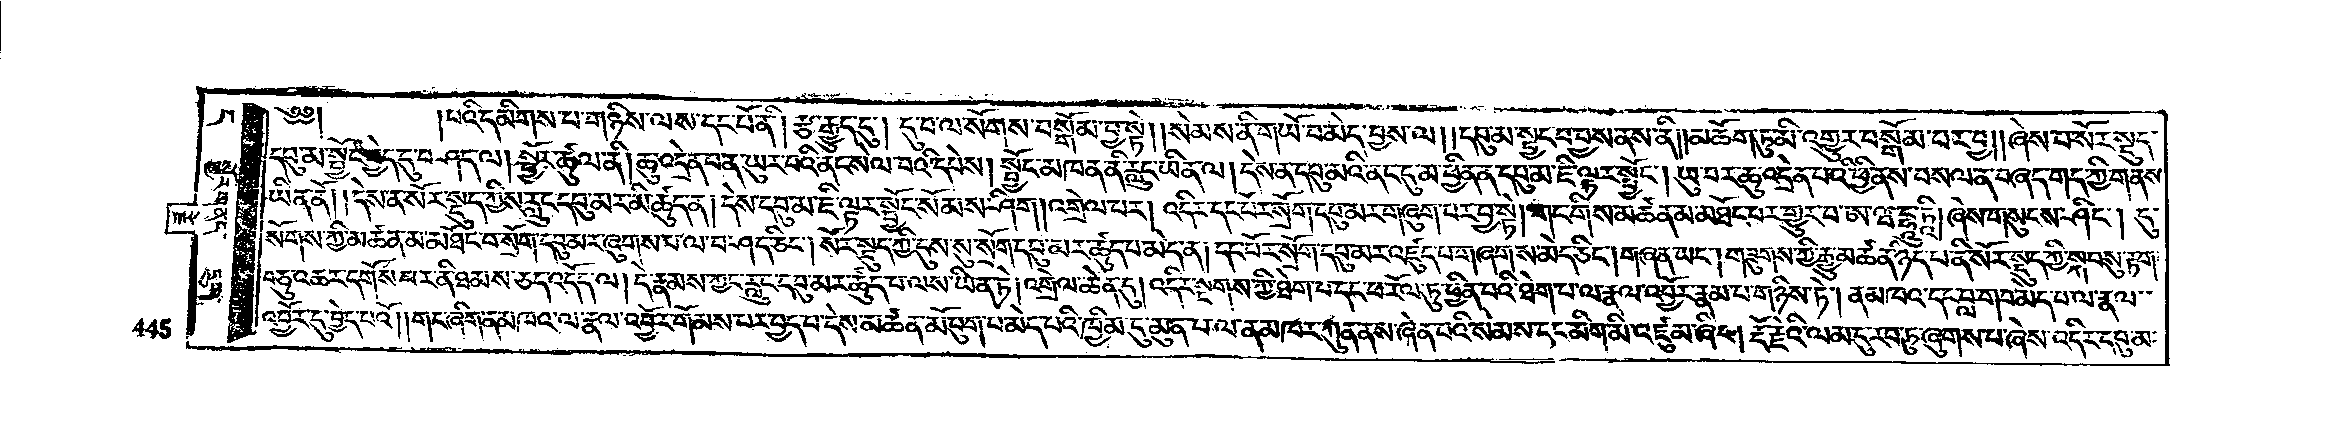༄༅། །པའི་དམིགས་པ་གཉིས་ལས་དང་པོ་ནི། རྩ་རྒྱུད་དུ། དུ་བ་ལ་སོགས་བསྒོམ་བྱ་སྟེ། །སེམས་ནི་གཡོ་བ་མེད་བྱས་ལ། །དབུ་མ་སྦྱང་བ་བྱས་ནས་ནི། །མཆོག་ཏུ་མི་འགྱུར་བསྒོམ་པར་བྱ། །ཞེས་པ་སོར་སྡུད་
དབུ་མ་སྦྱོང་བྱེད་དུ་བཤད་ལ། སྦྱོར་ཚུལ་ནི། ཆུ་འདྲེན་པ་ན་ཡུར་བའི་ནང་སེལ་བའི་དཔེས། སྦྱོང་མཁན་ནི་རླུང་ཡིན་ལ། དེས་ན་དབུ་མའི་ནང་དུ་མ་ཕྱིན་ན་དབུ་མ་ཇི་ལྟར་སྦྱོང་། ཡུ་བར་ཆུ་འདྲེན་པའི་ཕྱི་ནས་བསལ་ན་བཞད་གད་ཀྱི་གནས་
ཡིན་ནོ། །དེས་ན་སོར་སྡུད་ཀྱིས་རླུང་དབུ་མར་མི་ཚུད་ན། དེས་དབུ་མ་ཇི་ལྟར་སྦྱོང་སོམས་ཤིག །འགྲེལ་པར། འདིར་དང་པོར་སྲོག་དབུ་མར་གཞུག་པར་བྱ་སྟེ། གང་གིས་མཚན་མ་མཐོང་བར་གྱུར་བ་ཨ་ཝ་དྷཱུ་ཏཱི། ཞེས་གསུངས་ཤིང་། དུ་
སོགས་ཀྱི་མཚན་མ་མཐོང་བ་སྲོག་དབུ་མར་ཞུགས་པ་ལ་བཤད་ཅིང་། སོར་སྡུད་ཀྱི་དུས་སུ་སྲོག་དབུ་མར་ཚུད་པ་མེད་ན། དང་པོར་སྲོག་དབུ་མར་འཛུད་པ་གཞག་ས་མེད་ཅིང་། གཞན་ཡང་། གཟུགས་ཀྱི་རྒྱུ་མཚན་ཉིད་པ་ནི་སོར་སྡུད་ཀྱི་སྐབས་སུ་རྟག་
བཅུ་འཆར་དགོས་པར་ནི་ཐམས་ཅད་འདོད་ལ། དེ་རྣམས་ཀྱང་རླུང་དབུ་མར་ཚུད་པ་ལས་ཡིན་ཏེ། འགྲེལ་ཆེན་དུ། འདིར་སྔགས་ཀྱི་ཐེག་པ་དང་ཕ་རོལ་ཏུ་ཕྱིན་པའི་ཐེག་པ་ལ་རྣལ་འབྱོར་རྣམ་པ་གཉིས་ཏེ། ནམ་མཁའ་དང་བླ་གབ་མེད་པ་ལ་རྣལ་
འབྱོར་དུ་བྱེད་པའོ། །གང་ཞིག་ནམ་མཁའ་ལ་རྣལ་འབྱོར་གོམས་པར་བྱེད་པ་དེས་མཚན་མོ་བུག་པ་མེད་པའི་ཁྱིམ་དུ་མུན་པ་ལ་ནམ་མཁར་ཀུན་ནས་ཞེན་པའི་སེམས་དང་མིག་མི་འཛུམ་ཞིང་། རྡོ་རྗེའི་ལམ་དུ་རབ་ཏུ་ཞུགས་པ་ཞེས་འདིར་དབུ་མ་